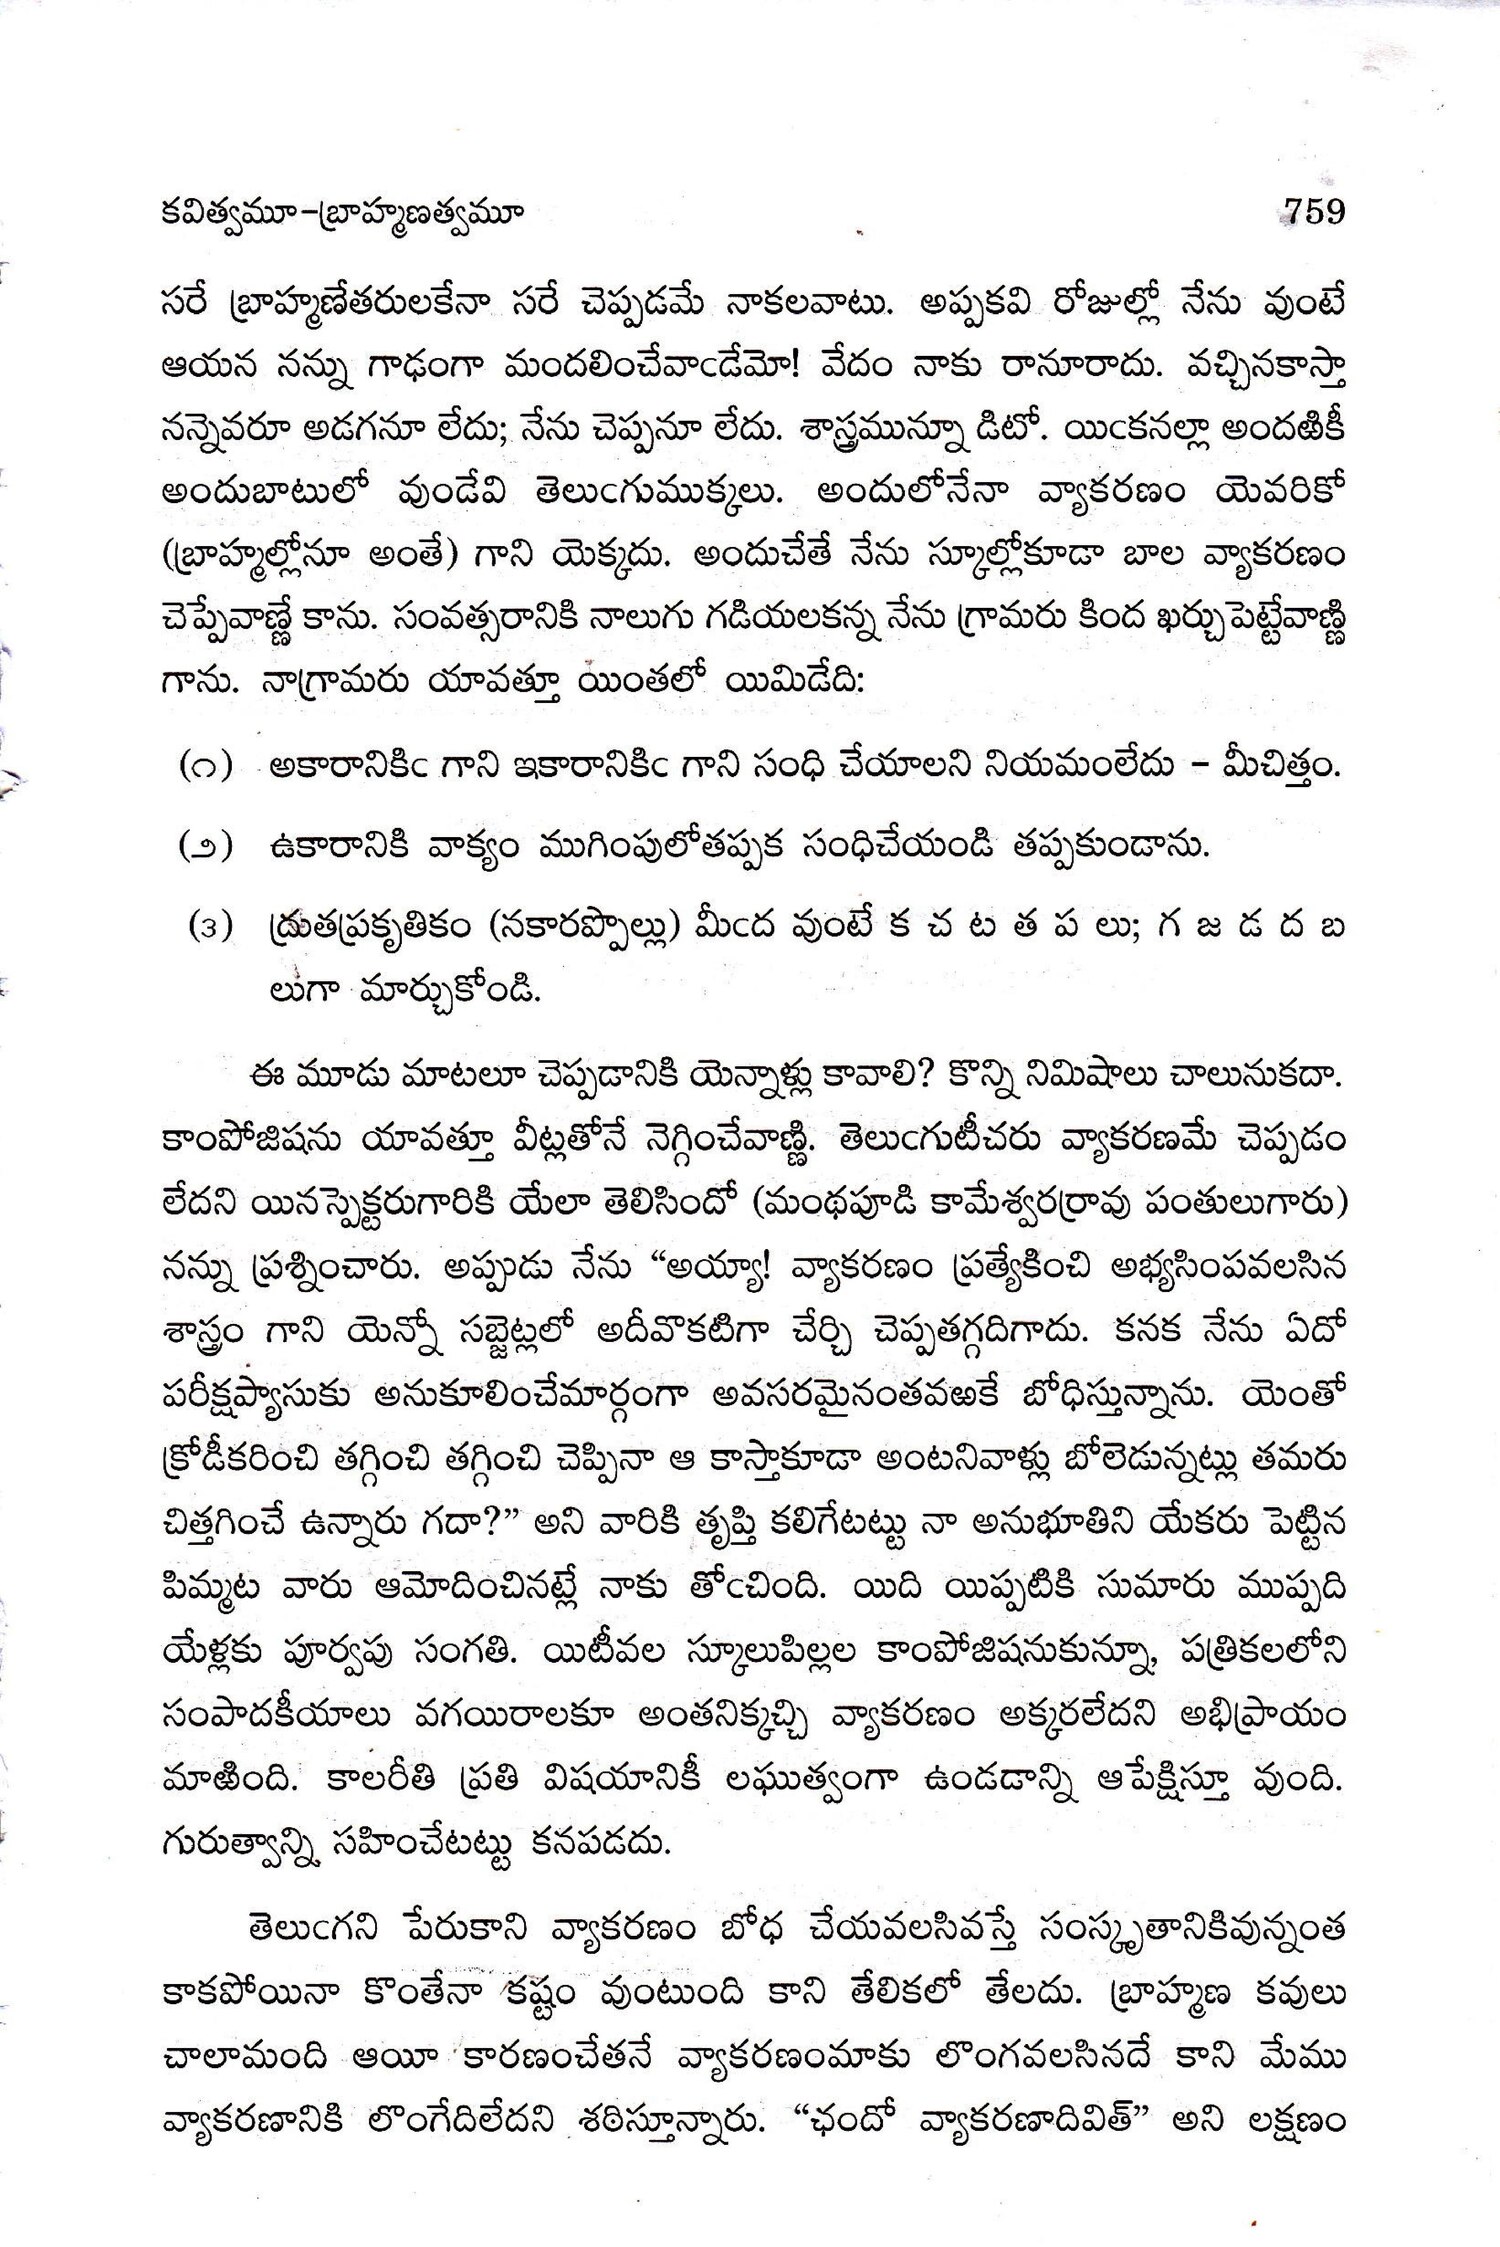సరే బ్రాహ్మణేతరులకేనా సరే చెప్పడమే నాకలవాటు. అప్పకవి రోజుల్లో నేను వుంటే ఆయన నన్ను గాఢంగా మందలించేవాఁడేమో! వేదం నాకు రానూరాదు. వచ్చినకాస్తా నన్నెవరూ అడగనూ లేదు; నేను చెప్పనూ లేదు. శాస్త్రమున్నూ డిటో, యిఁకనల్లా అందఱికీ అందుబాటులో వుండేవి తెలుఁగుముక్కలు. అందులోనేనా వ్యాకరణం యెవరికో (బ్రాహ్మల్లోనూ అంతే) గాని యెక్కదు. అందుచేతే నేను స్కూల్లోకూడా బాల వ్యాకరణం చెప్పేవాణ్ణే కాను. సంవత్సరానికి నాలుగు గడియలకన్న నేను గ్రామరు కింద ఖర్చుపెట్టేవాణ్ణి గాను. నాగ్రామరు యావత్తూ యింతలో యిమిడేది: -

(1) అకారానికిఁ గాని ఇకారానికిఁ గాని సంధి చేయాలని నియమంలేదు - మీచిత్తం. 

(2) ఉకారానికి వాక్యం ముగింపులోతప్పక సంధిచేయండి తప్పకుండాను.

(3) ద్రుతతప్రకృతికం (నకారప్పొల్లు) మీఁద వుంటే క చ ట త ప లు; గ జ డ ద బ లుగా మార్చుకోండి.

ఈ మూడు మాటలూ చెప్పడానికి యెన్నాళ్లు కావాలి? కొన్ని నిమిషాలు చాలునుకదా. కాంపోజిషను యావత్తూ వీట్లతోనే నెగ్గించేవాణ్ణి. తెలుఁగుటీచరు వ్యాకరణమే చెప్పడం లేదని యినస్పెక్టరుగారికి యేలా తెలిసిందో (మంథపూడి కామేశ్వరర్రావు పంతులుగారు) నన్ను ప్రశ్నించారు. అప్పుడు నేను “అయ్యా! వ్యాకరణం ప్రత్యేకించి అభ్యసింపవలసిన శాస్త్రం గాని యెన్నో సబ్జెట్లలో అదీవొకటిగా చేర్చి చెప్పతగ్గదిగాదు. కనక నేను ఏదో పరీక్షప్యాసుకు అనుకూలించేమార్గంగా అవసరమైనంతవఱకే బోధిస్తున్నాను. యెంతో క్రోడీకరించి తగ్గించి తగ్గించి చెప్పినా ఆ కాస్తాకూడా అంటనివాళ్లు బోలెడున్నట్లు తమరు చిత్తగించే ఉన్నారు గదా?" అని వారికి తృప్తి కలిగేటట్టు నా అనుభూతిని యేకరు పెట్టిన పిమ్మట వారు ఆమోదించినట్లే నాకు తోఁచింది. యిది యిప్పటికి సుమారు ముప్పది యేళ్లకు పూర్వపు సంగతి. యిటీవల స్కూలుపిల్లల కాంపోజిషనుకున్నూ పత్రికలలోని సంపాదకీయాలు వగయిరాలకూ అంతనిక్కచ్చి వ్యాకరణం అక్కరలేదని అభిప్రాయం మాఱింది. కాలరీతి ప్రతి విషయానికీ లఘుత్వంగా ఉండడాన్ని ఆపేక్షిస్తూ వుంది. గురుత్వాన్ని సహించేటట్టు కనపడదు. 

తెలుఁగని పేరుకాని వ్యాకరణం బోధ చేయవలసివస్తే సంస్కృతానికివున్నంత కాకపోయినా కొంతేనా కష్టం వుంటుంది కాని తేలికలో తేలదు. బ్రాహ్మణ కవులు చాలామంది ఆయి కారణంచేతనే వ్యాకరణంమాకు లొంగవలసినదే కాని మేము వ్యాకరణానికి లొంగేదిలేదని శఠిస్తూన్నారు. “ఛందో వ్యాకరణాదివిత్" అని లక్షణం